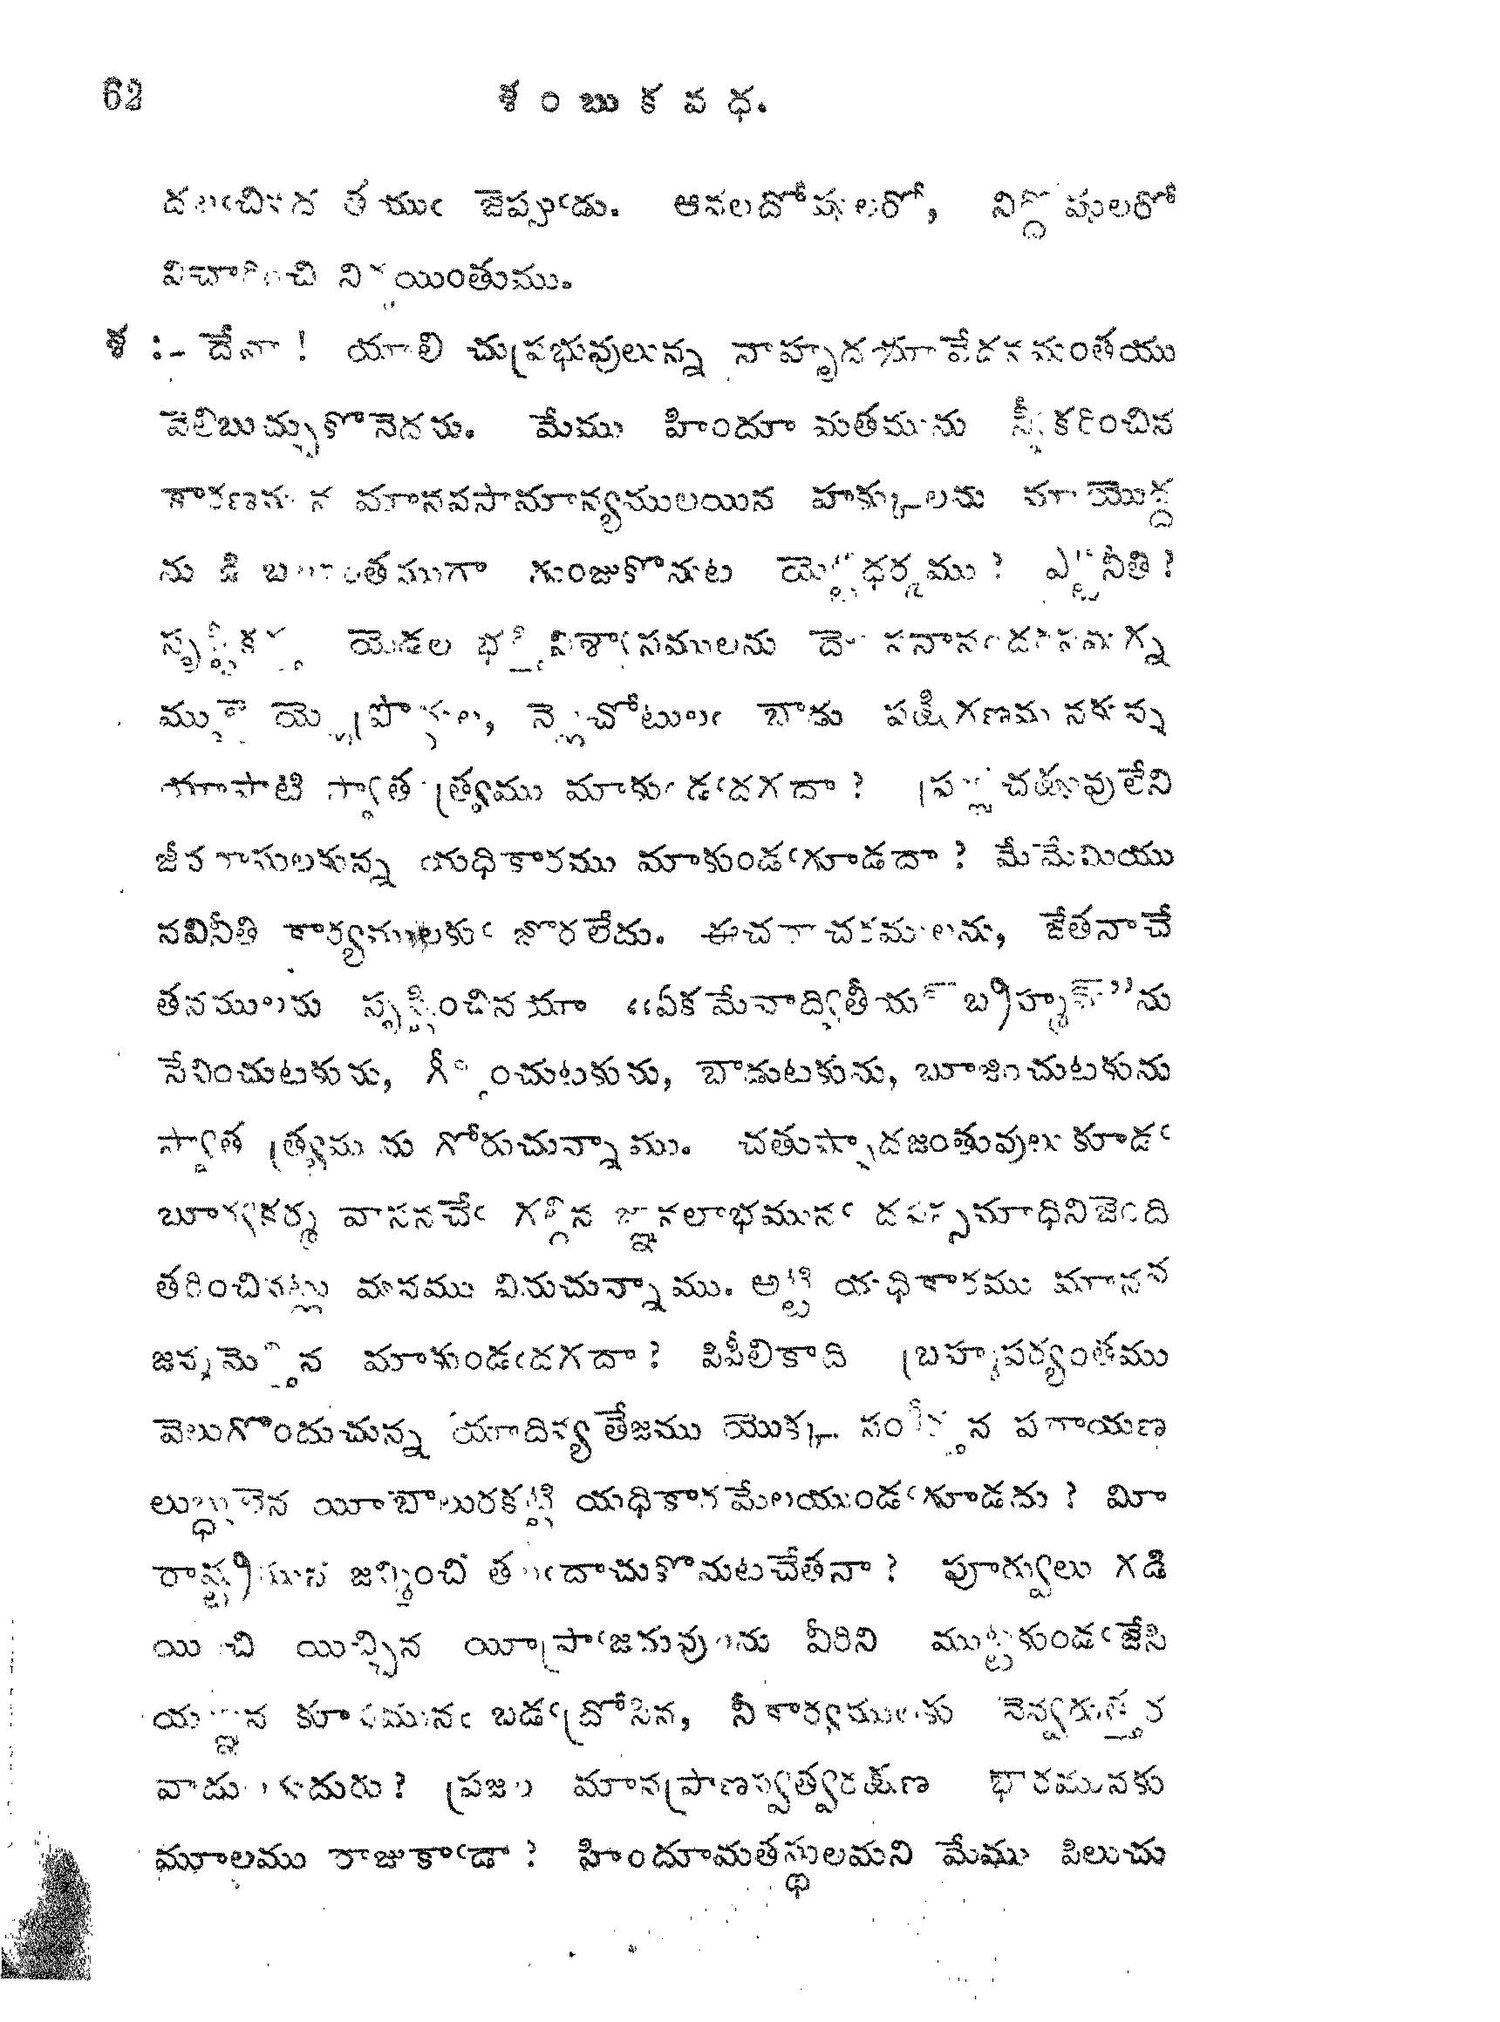.

 ద లచినదంతయు జెప్పుఁడు. ఆవల దోషులెవరో, నిర్దోషులెవరో
 విచారించి నిర్ణయింతుము,

శ :- దేవా ! యాలించు ప్రభువులున్న నాహృదయావేదన మంతయు
 వెలిబుచ్చు కొనెదను. మేము. హిందూ మతమును శ్వీకరించిన
 కారణమున మానవ సానూన్యములయిన హక్కులను మా యెద్ద
 నుంచి బంతతముగా గుంజు కొనుట యెద్దర్మర్మము?: ఎద్దినీతి?
 సృష్టికర్త యెడల భక్తి విశ్యాసములను దెలుప నానందరస మగ్న
 ముక్తాయై ...ప్రొద్దుల నెల్ల చోటులంబాడు పక్షిగణమున కున్న
 యాపాటి స్వాతంతర్యము మాకూడ దగదా? .....చక్షువు లేని
 జీవరాసుకున్న యుధి కారము మాకుండఁగూడదా ? మేమేమియు
 నవినీతి కార్యములకుఁ జొర లేదు. ఈచరాచరమలను, జేతనాచే
 తనములను సృష్టించిన యా " ఏక మే నాద్వితీయున్ బ్రహ్మన్-”ను
 సేవించుటకును, గీర్తించుటకును, బాడుటకును, బూజించుటకును
 స్వాతం త్ర్యమును గోరుచున్నాము. చతుప్పాద జంతువులు కూడ
 బూర్వకర్మ వాసనచేఁ గల్గిన జ్ఞానలాభమునఁ దపస్సమాధిని జెంది
 తరించినట్లు మనము వినుచున్నాము. అట్టి యధికారము మానవ
 జన్మమెత్తిన మాకుండఁ దగదా? పిపీలికాది బ్రహ్మపర్యంతము
 వెలు గొందుచున్న 'యాదివ్య తేజము యొక్క సంకీర్తన పరాయణ
 లుబ్దంబైన యీ బాలుర కట్టి యధికార మేలయుండఁ గూడదు? మీ
 రాష్ట్రమున జన్మించి తల దాచుకొనుట చేతనా ? పూర్వులు గడి
 యించి యిచ్చిన యీ ప్రాజదువులను వీరిని ముట్ట కుండఁ జేసి
 యజ్ఞాన కూపమునఁ బడద్రోసిన, నీ కార్యములకు నెవ్వరుత్తర
 వాదులగుదురు? ప్రజల మాన ప్రాణస్వత్వరక్షణ భారమునకు
 మూలము రాజు కాడా? హిందూ మతస్థులమని మేము పిలుచు